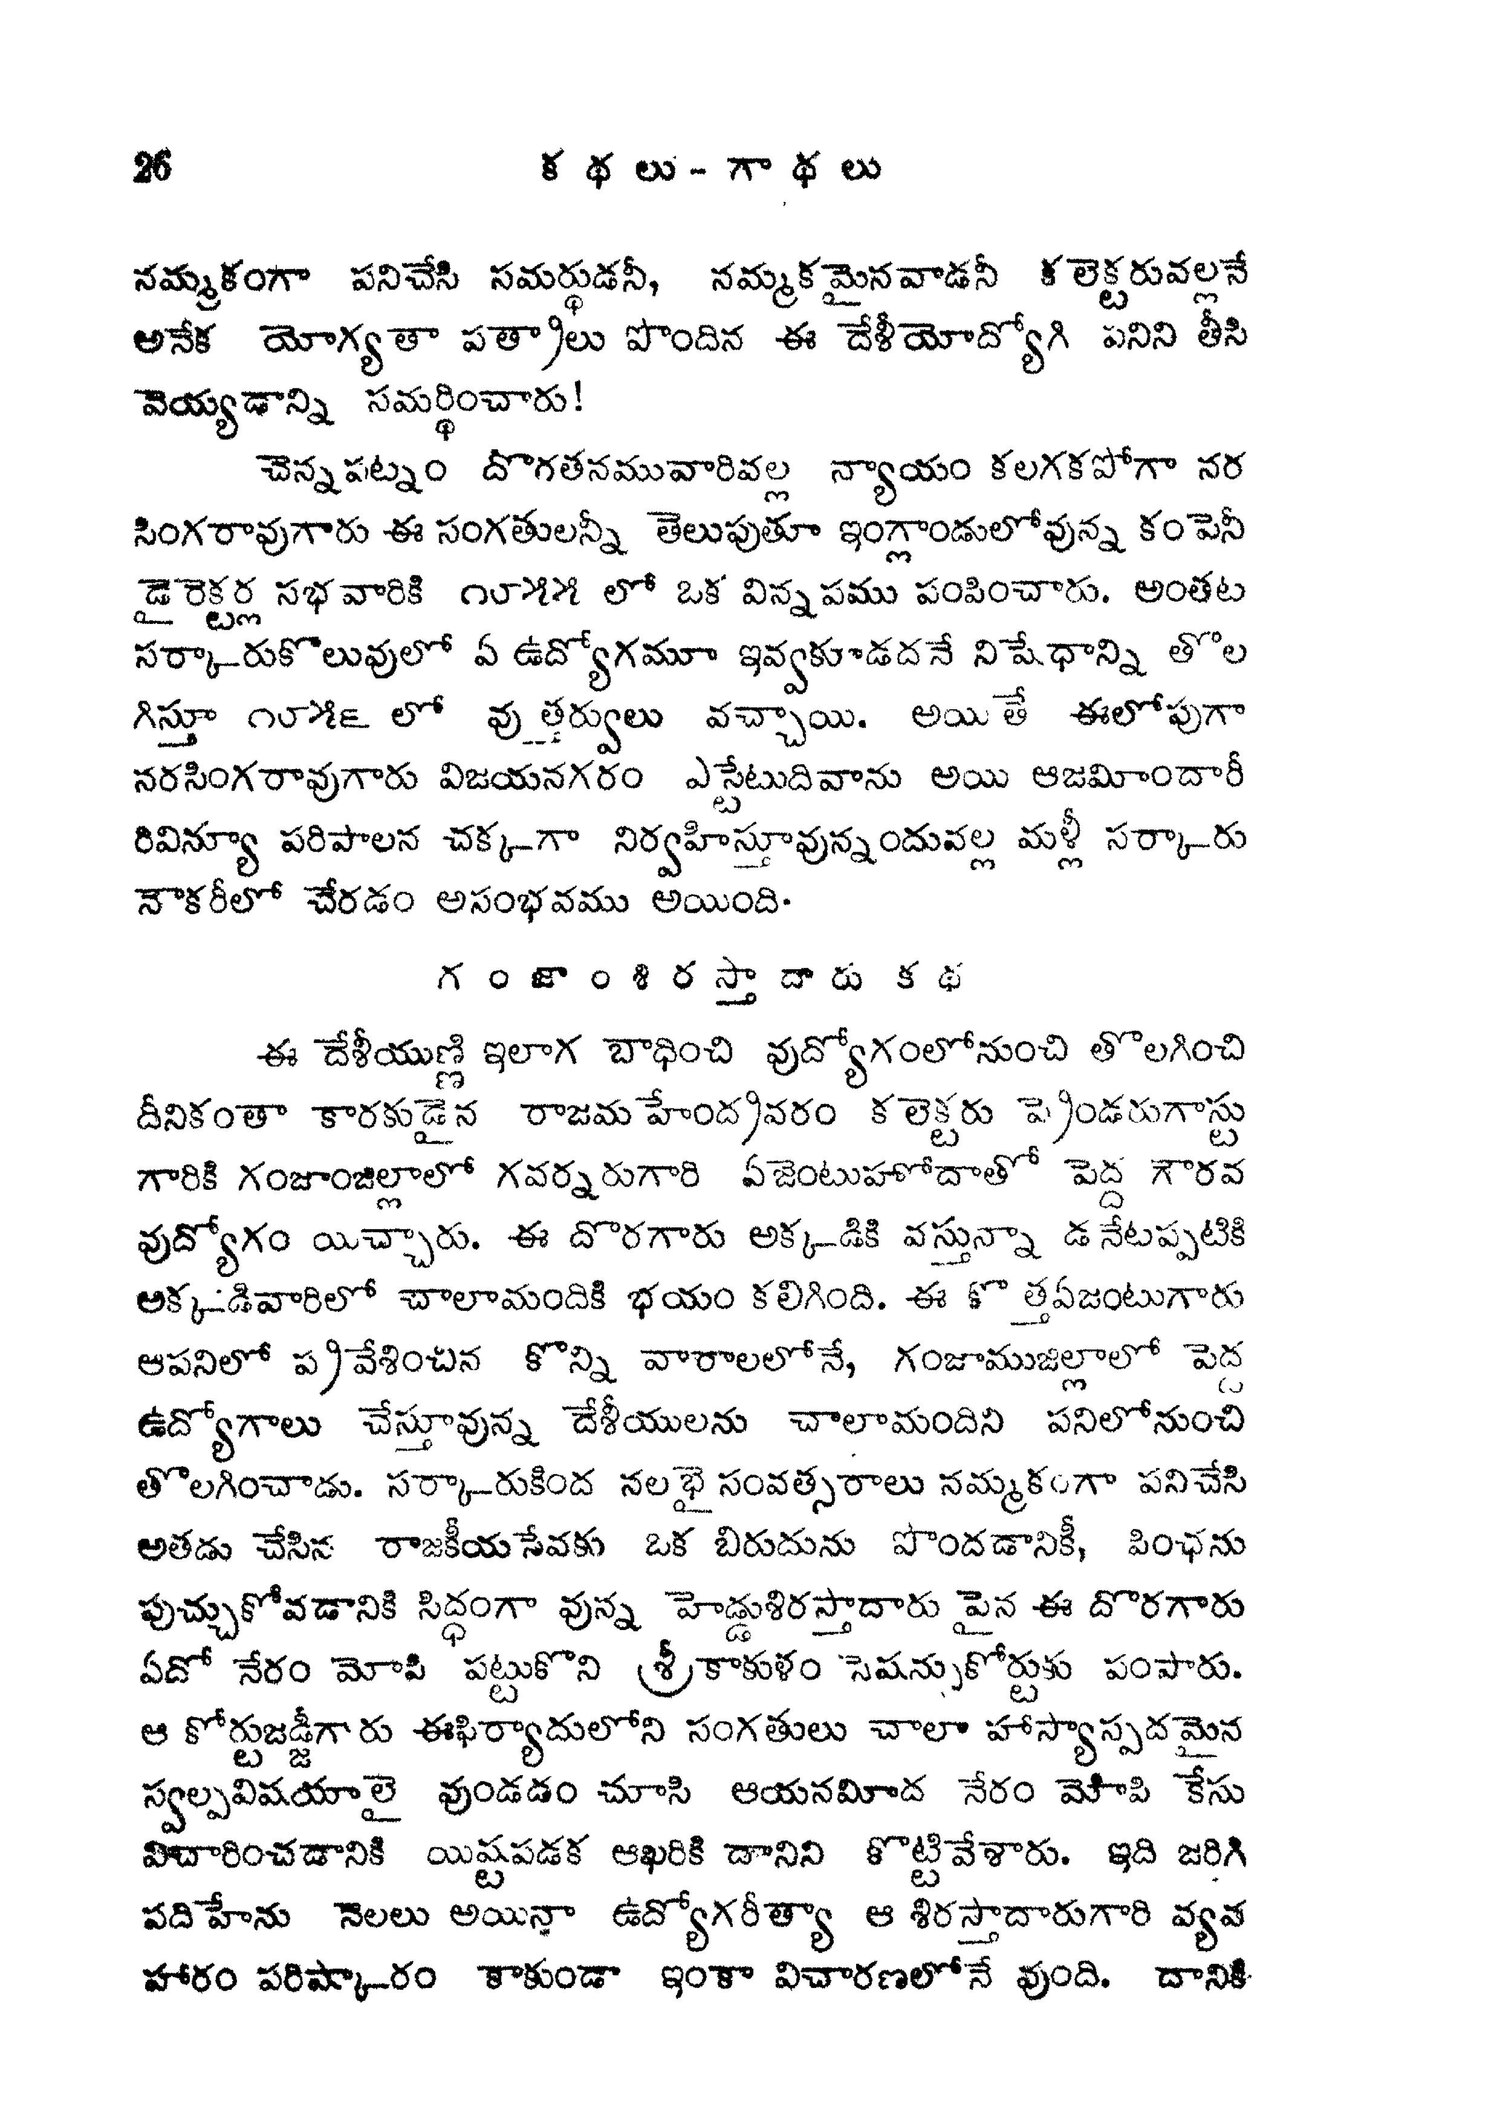నమ్మకంగా పనిచేసి సమర్ధుడనీ, నమ్మకమైనవాడనీ కలక్టరువల్లనె అనేక యోగ్యతా పత్రాలు పొందిన ఈ దేశీయోద్యోగి పనిని తీసివెయ్యడాన్ని సమర్ధించారు!

చెన్నపట్నం దొరతనమువారివల్ల న్యాయం కలగకపోగా నరసింగరావుగారు ఈ సంగతులన్నీ తెలుపుతూ ఇంగ్లాండులోవున్న కంపెనీ డైరెక్టర్ల సభవారికి 1855 లో ఒక విన్నపము పంపించారు. అంతట సర్కారుకొలువులో ఏ ఉద్యోగమూ ఇవ్వకూడదనే నిషేధాన్ని తోలగిస్తూ 1856 లో వుత్తర్వులు వచ్చాయి. అయితే ఈలోపుగా నరసింగరావుగారు విజయనగరం ఎస్టేటుదివాను అయి ఆజమీందారీ రివిన్యూ పరిపాలన చక్కగా నిర్వహిస్తూవున్నందువల్ల మళ్లీ సర్కారు నౌకరీలో చేరడం అసంభవము అయింది.

 
ఈదేశీయుణ్ణి ఇలాగ బాధించి వుద్యోగంలోనుంచి తొలగించి దీనికంతా కారకుడై న రాజమహేంద్రవరం కలెక్టరు ప్రెండరుగాస్టు గారికి గంజాంజిల్లాలో గవర్నరుగారి ఏజెంటుహోదాతో పెద్ద గౌరవ వుద్యోగం యిచ్చారు. ఈ దొరగారు అక్కడికి వస్తున్నాడనేటప్పటికి అక్కడివారిలో చాలమందికి భయం కలిగింది. ఈ కొత్త ఏజంటుగారు ఆపనిలో ప్రవేశించిన కొన్ని వారాలలోనే, గంజాముజిల్లాలో పెద్ద ఉద్యొగాలు చేస్తూవున్న దేశీయులను చాలామందిని పనిలోనుంచి తొలగించారు. సర్కారుకింద నలభైసంవత్సరాలు నమ్మకంగా పనిచేసి అతడు చేసిన రాజకీయ సేవకు ఒక బిరుదును పొందడానికీ, ఫించను పుచ్చుకోవడానికి సిద్ధంగా వున్న హెడ్డుశిరస్తాదారు పైన ఈ దొరగారు ఏదో నేరం మోపి పట్టుకొని శ్రీకాకుళం సెషన్సు కోర్టుకు పంపారు ఆ కోర్టుజడ్జీగారు ఈఫిర్యాదులోని సంగతులు చాలా హాస్యాస్పదమైన స్వల్పవిషయాలై వుండడం చూచి ఆయనమీద నేరం మోపి కేసు విచరించడానికి యిష్టపడక ఆఖరికి దానిని కొట్టివేశారు. ఇది జరిగి పదిహేను నెలలు అయినా ఉద్యొగరీత్యా ఆ శిరస్తాదారుగారి వ్యవహారం పరిష్కారం కాకుండా ఇంకా విచారణలోనే వుంది. దానికి